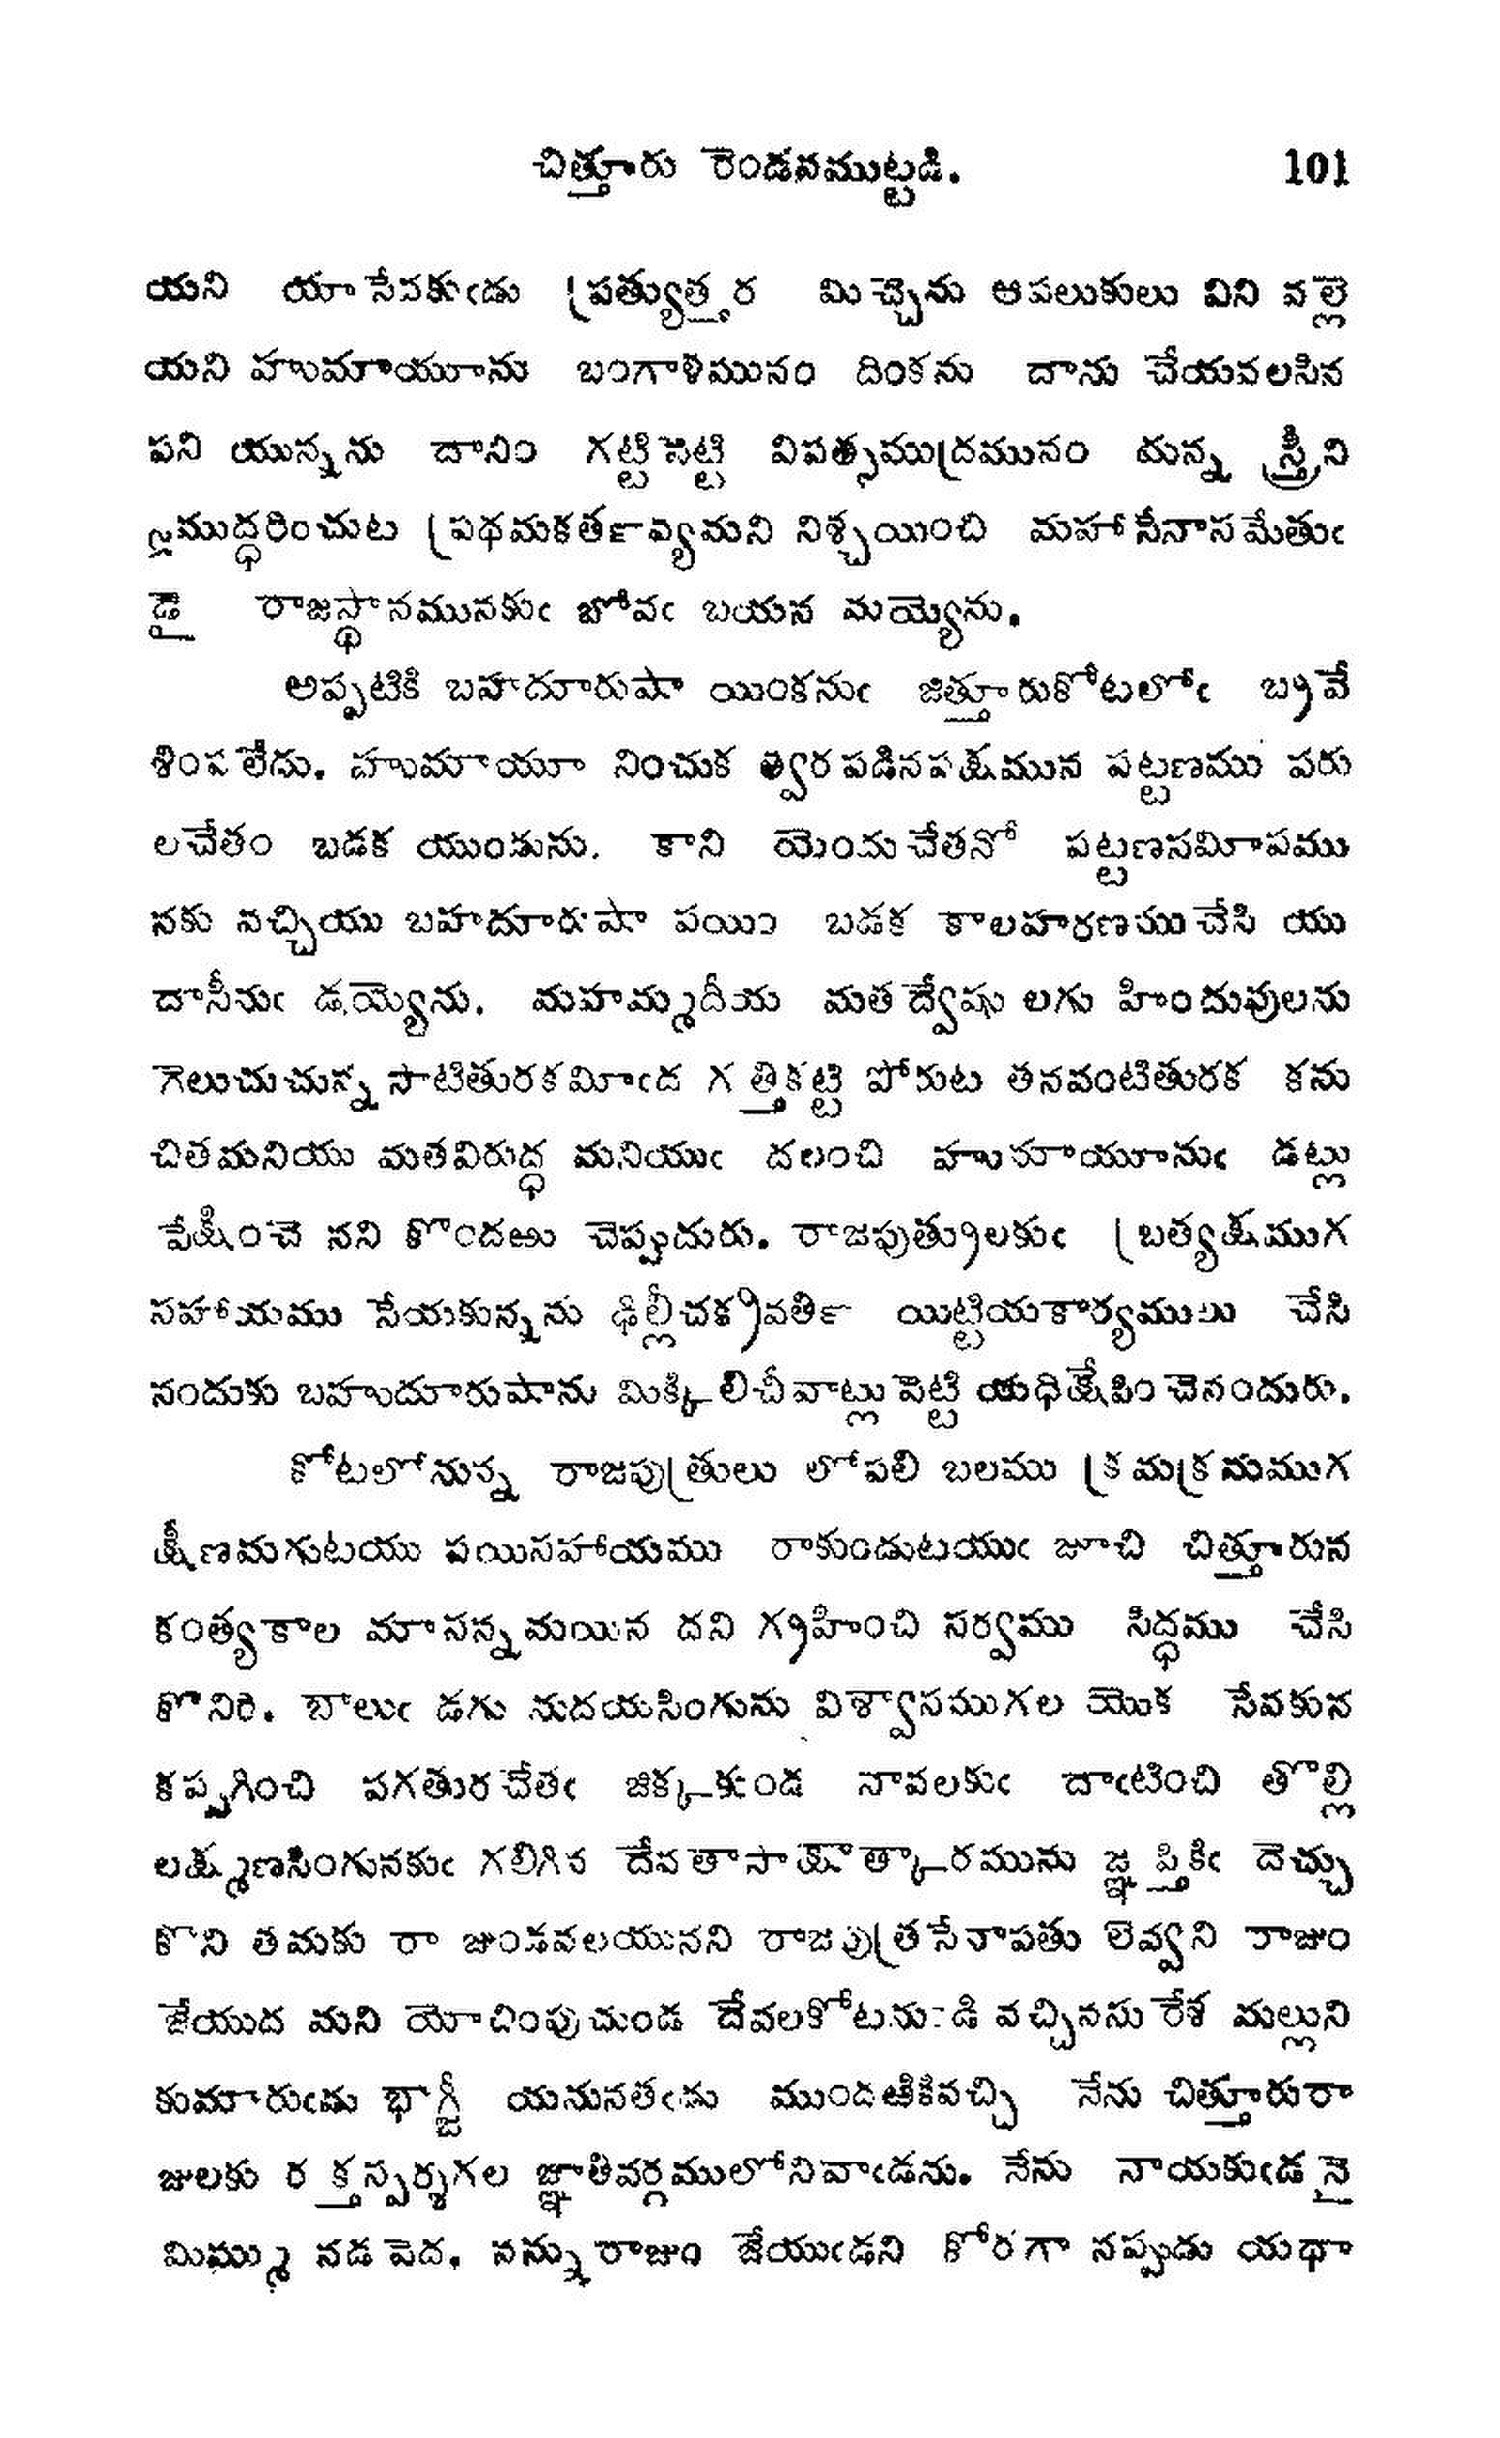యని యాసేవకుఁడు ప్రత్యుత్తర మిచ్చెను ఆపలుకులు విని వల్లేయని హుమాయూను బంగాళమునం దింకను దాను చేయవలసిన
పని యున్నను దానిని గట్టిపెట్టి విపత్సముద్రమునం దున్న స్త్రీని సముద్ధరించుట ప్రథమకత౯వ్యమని నిశ్చయించి మహా సేనాసమేతుఁడై
రాజస్థానమునకుఁ బోవఁ బయన మయ్యేను.

అప్పటికీ బహదూరుషా యింకనుఁ జిత్తూరుకోటలోఁ బ్రవేశింపలేదు. హుమాయూ నించుక త్వరపడినపక్షమున పట్టణము పరులచేతం బడక యుండును. యెందుచేతనో పట్టణసమీపమునకు వచ్చియు బహదూరుషా పయిం బడక కాలహరణము చేసి యుదాసీనుఁ డయ్యెను. మహమ్మదీయ మతద్వేషులగు హిందువులను గెలుచుచున్న సాటితురక మీఁద గత్తికట్టి పోరుట తనవంటితురక కనుచితమనియు
మత విరుద్ధ మనియుఁ దలంచి హుమాయూనుఁ డట్లు పేక్షించెనని కొందఱు చెప్పుదురు. రాజపుత్రులకుఁ బ్రత్యక్షముగ సహాయము సేయకున్నను ఢిల్లీ చక్రవతి౯ యిట్టియకార్యములు చేసినందుకు బహుదూరుషాను మిక్కిలి చీవాట్లు పెట్టి యధిక్షేపించెనందురు.

కోటలో నున్న రాజపుత్రులు లోపలి బలము క్రమక్రమముగ క్షీణమగుటయు పయిసహాయము రాకుండుటయుఁ జూచి చిత్తూరునకంత్య కాల మాసన్నమయిన దని గ్రహించి సర్వము సిద్ధము చేసికొనిరి. బాలుఁ డగు నుదయసింగును విశ్వాసముగల యొక సేవకున కప్పగించి పగతుర చేతఁ జిక్కకండ నావలకుఁ దాఁటించి తొల్లి లక్ష్మణసింగునకుఁ గలిగిన దేవతాసాక్షాత్కారమును జ్ఞప్తికిఁ దెచ్చుకొని తమకు రాజుండవలయునని రాజపుత్ర సేనాపతు లెవ్వని రాజుం జేయుద మని యోచింపుచుండ దేవలకోటనుండి వచ్చినసు రేశ మల్లుని కుమారుఁడు భాగ్జే యనునతఁడు ముందఱికి వచ్చి నేను చిత్తూరురాజులకు రక్తస్పర్శగల జ్ఞాతివర్గములోనివాఁడను. నేను నాయకుఁడనై మిమ్ము నడపెద, నన్ను రాజుం జేయుఁడని కోరగా నప్పుడు యథా